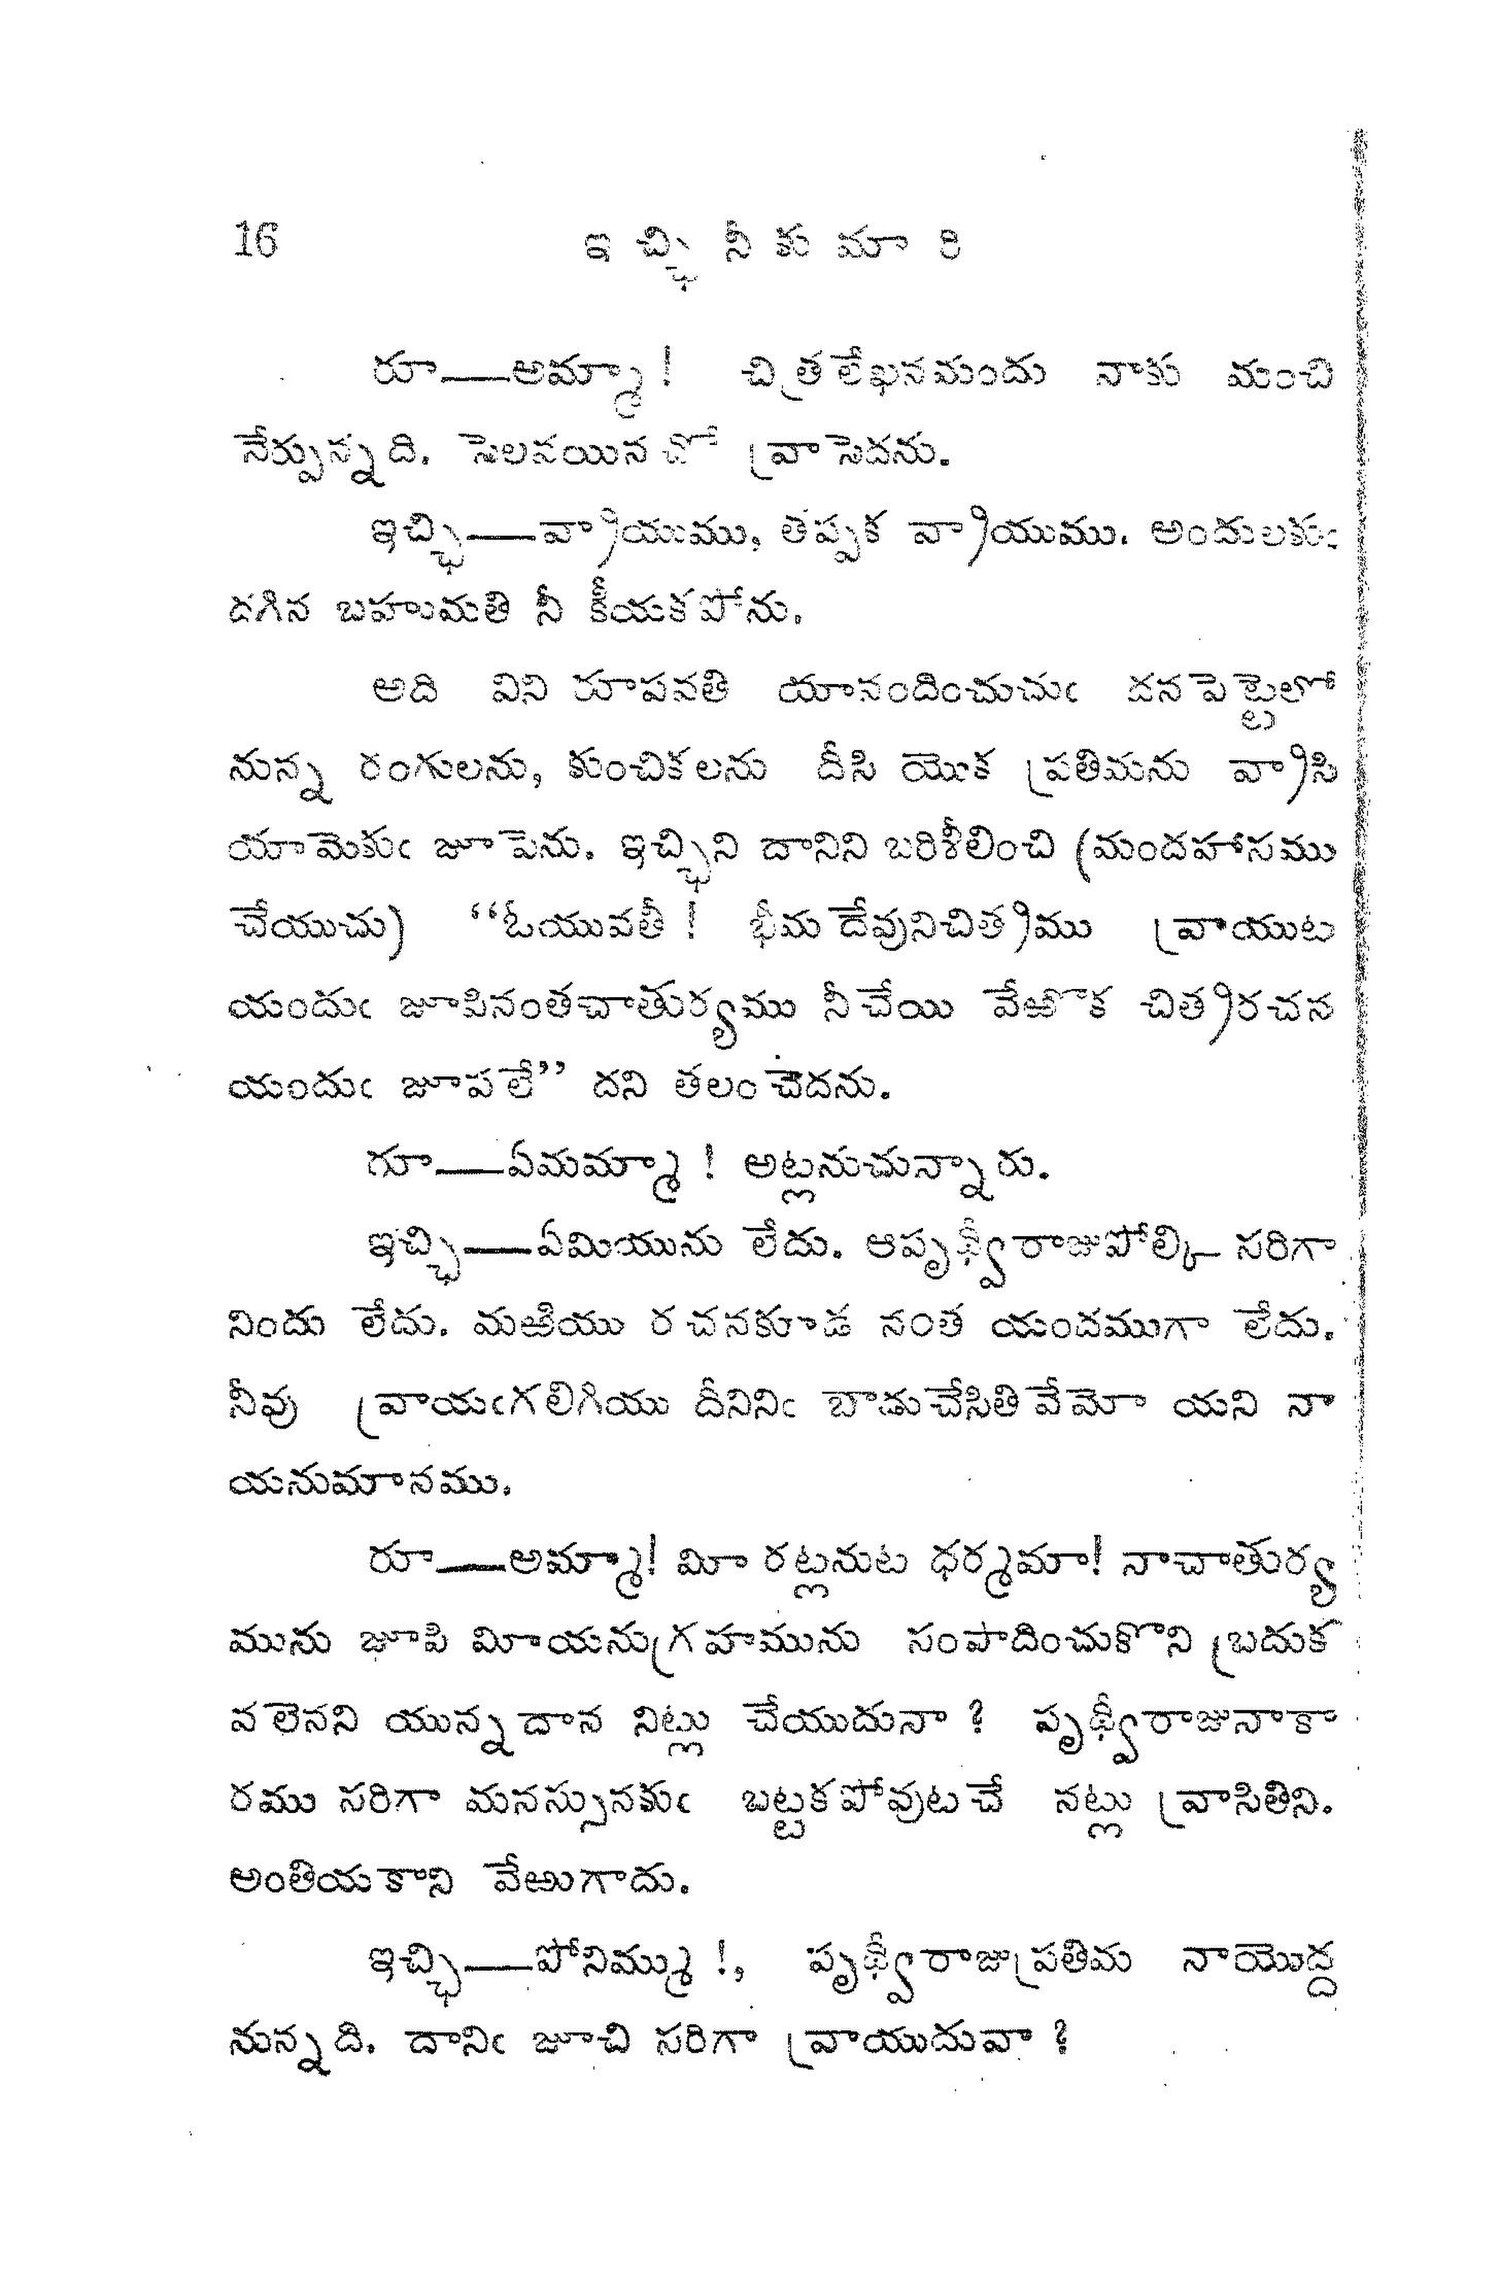రూ: -అమ్మా! చిత్రలేఖన మందు. నాకు మంచి నేర్పున్నది. సెలనయిన చో వ్రా సెదను.

ఇచ్చి. వ్రాయుము, తెప్పక వ్రాయుము. అందులకు: దగిన బహుమతి నీ కీయక పోను.

విని రూపనతి దూనందించుచుఁ దన పెట్టెలో నున్న రంగులను, కుంచిక లను దీసి యొక ప్రతిమను వాసి యామెకుఁ జూపెను. ఇచ్చిని దానిని బరిశీలించి (మందహాసము చేయుచు) “ఓయువతీ ! భీమ దేవుని చిత్రము వ్రాయుట యందుఁ జూసినంతచాతుర్యము నీ చేయి వేఱొక చిత్ర రచన యందుఁ జూపలేదని తలం చెదను.

రూ: ఏమమ్మా ! అట్లనుచున్నారు.

ఇచ్ఛి: — ఏమియును లేదు. అపృద్వీరాజు పోల్కి సరిగా నిందు లేదు. మఱియు రచనకూడ సంత యందముగా లేదు. నీవు వ్రాయఁగలిగియు దీనినిఁ బాడు చేసితి వేమో యని నా యనుమానము.

రూ: -అమ్మా! మీ రట్లనుట ధర్మమా ! నాచాతుర్య మును జూపి మాయనుగ్రహమును సంపాదించుకొని బ్రదుక న లెనని యున్న దాన నిట్లు చేయుదునా ! పృథ్వీరాజు నాకా రము సరిగా మనస్సునకుఁ బట్టక పోవుటచే నట్లు వ్రాసితిని. అంతియ కాని వేఱుగాదు.

ఇచ్ఛి: ——పోనిమ్ము !, పృథ్వీరాజు ప్రతిమ నాయొద్ద నున్నది. దానిఁ జూచి సరిగా వ్రాయుదువా ?